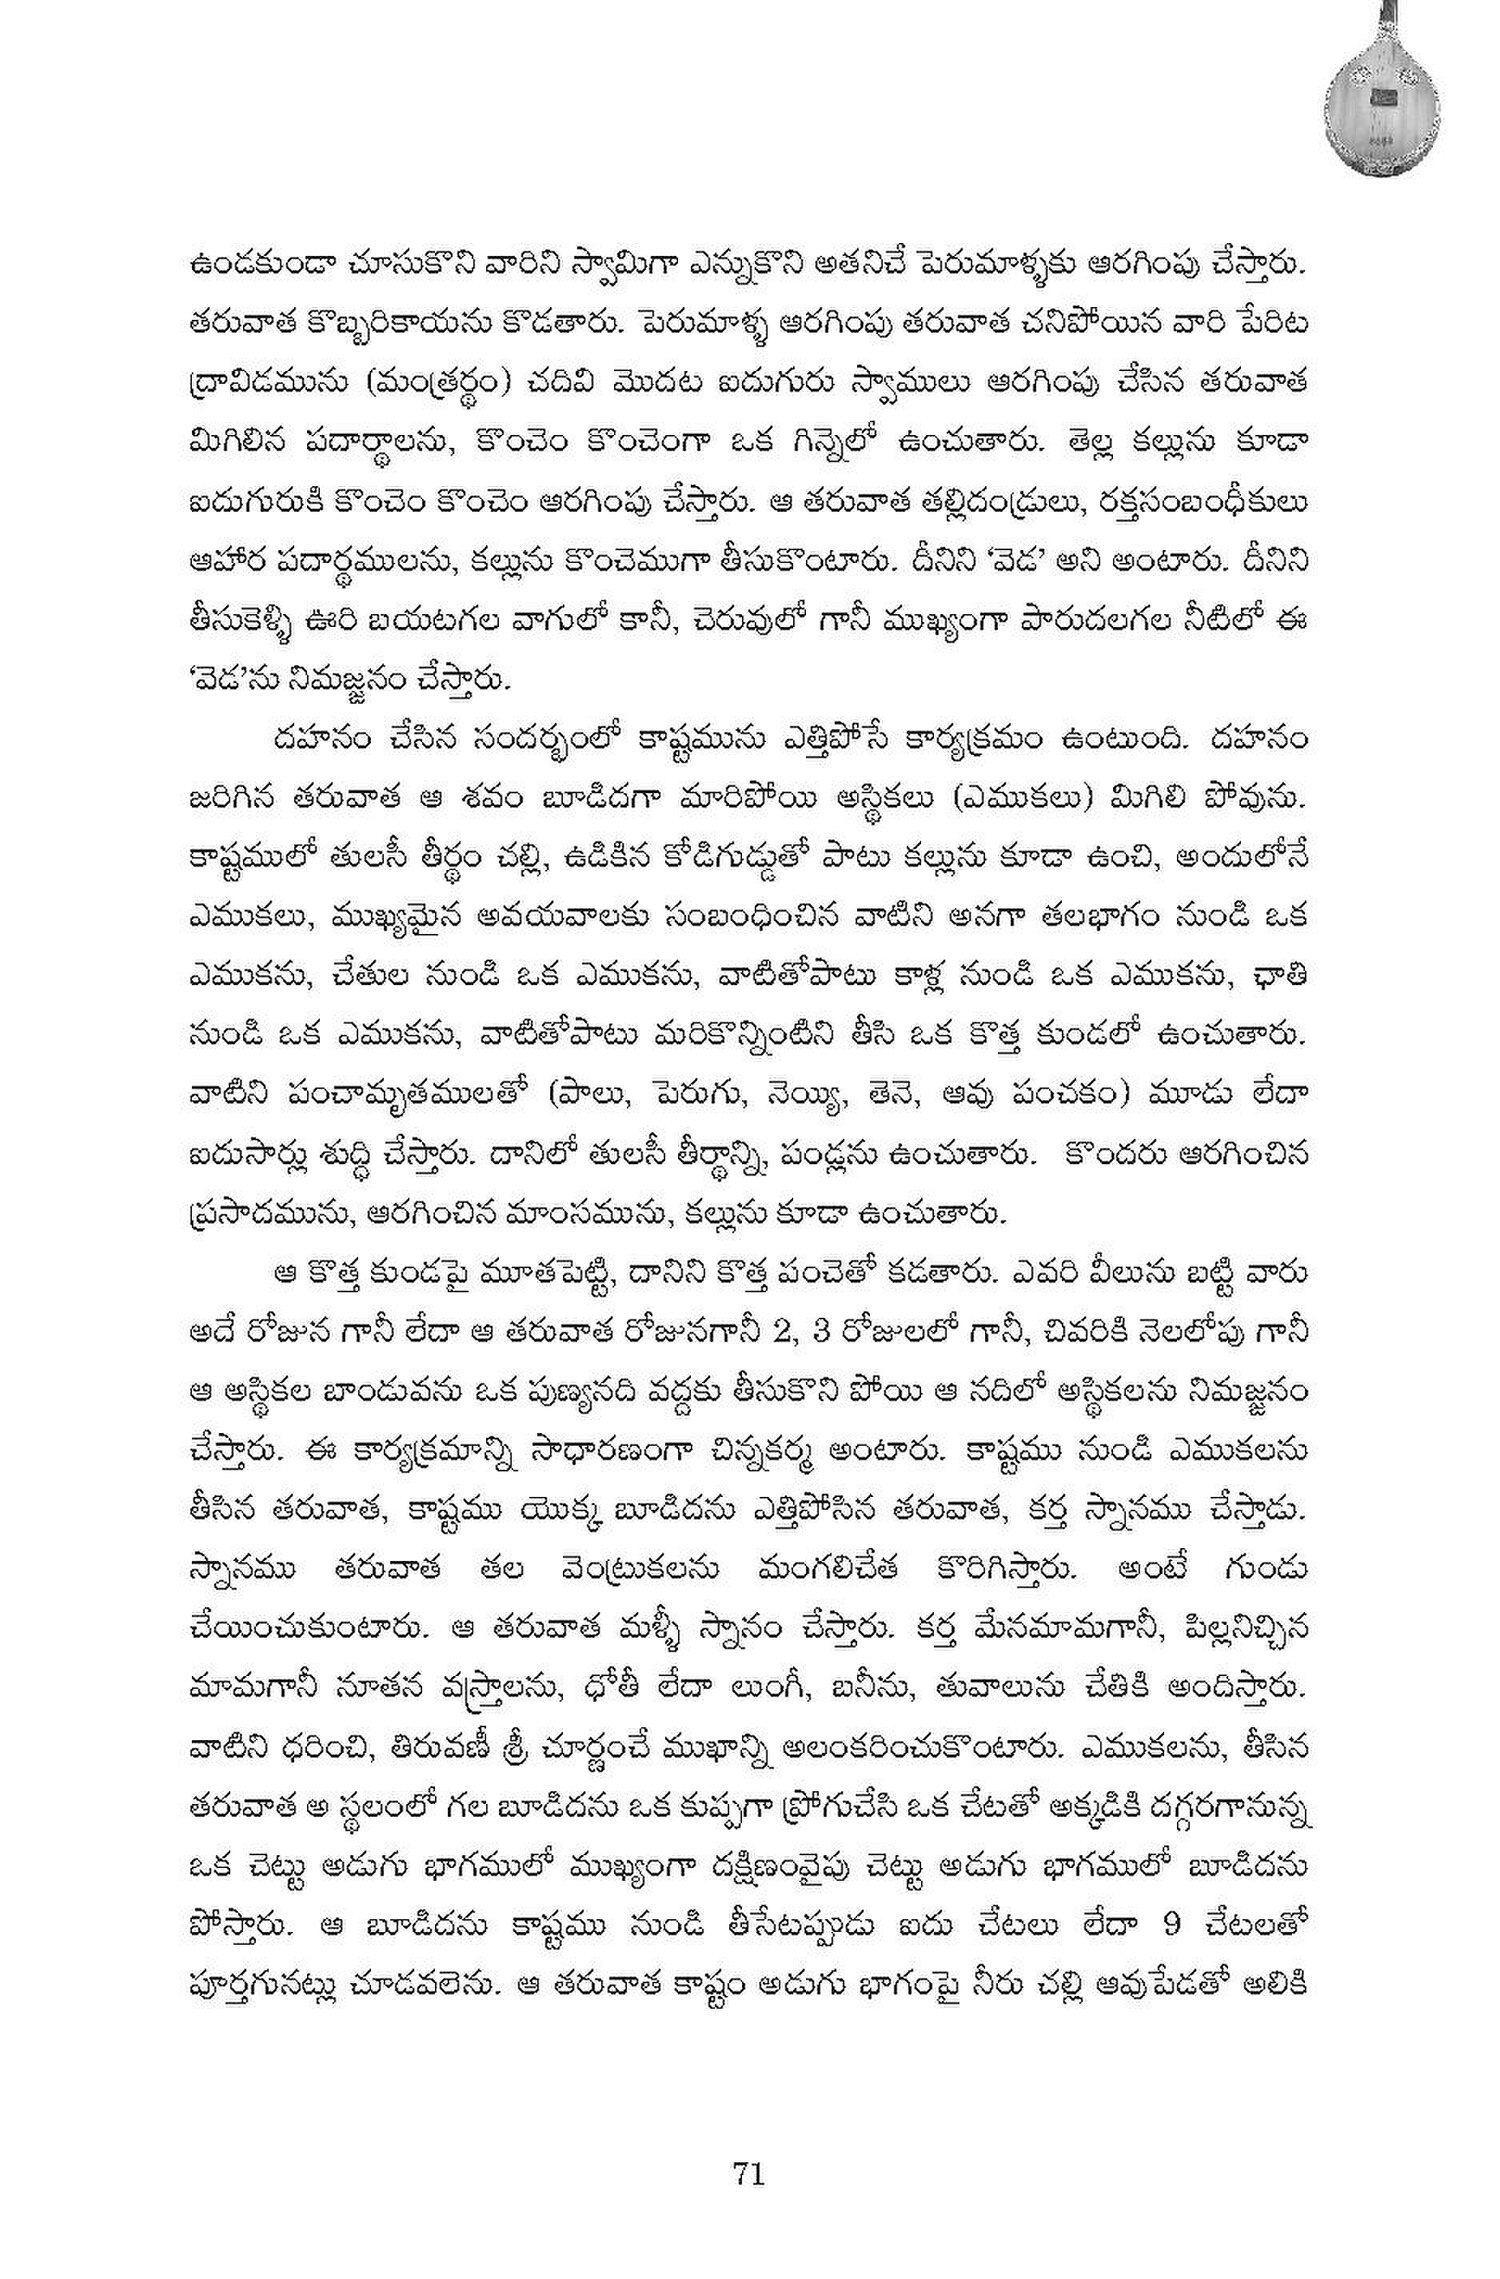ఉండకుండా చూసుకొని వారిని స్వామిగా ఎన్నుకొని అతనిచే పెరుమాళ్ళకు ఆరగింపు చేస్తారు. తరువాత కొబ్బరికాయను కొడతారు. పెరుమాళ్ళ ఆరగింపు తరువాత చనిపోయిన వారి పేరిటద్రావిడమును (మంత్రర్థం) చదివి మొదట ఐదుగురు స్వాములు ఆరగింపు చేసిన తరువాత మిగిలిన పదార్థాలను, కొంచెం కొంచెంగా ఒక గిన్నెలో ఉంచుతారు. తెల్ల కల్లును కూడా ఐదుగురుకి కొంచెం కొంచెం ఆరగింపు చేస్తారు. ఆ తరువాత తల్లిదండ్రులు, రక్తసంబంధీకులు ఆహార పదార్థములను, కల్లును కొంచెముగా తీసుకొంటారు. దీనిని 'వెడ' అని అంటారు. దీనిని తీసుకెళ్ళి ఊరి బయటగల వాగులో కానీ, చెరువులో గానీ ముఖ్యంగా పారుదలగల నీటిలో ఈ 'వెడ'ను నిమజ్జనం చేస్తారు.

దహనం చేసిన సందర్భంలో కాష్టమును ఎత్తిపోసే కార్యక్రమం ఉంటుంది. దహనం జరిగిన తరువాత ఆ శవం బూడిదగా మారిపోయి అస్థికలు (ఎముకలు) మిగిలి పోవును. కాష్టములో తులసీ తీర్థం చల్లి, ఉడికిన కోడిగుడ్డుతో పాటు కల్లును కూడా ఉంచి, అందులోనే ఎముకలు, ముఖ్యమైన అవయవాలకు సంబంధించిన వాటిని అనగా తలభాగం నుండి ఒక ఎముకను, చేతుల నుండి ఒక ఎముకను, వాటితోపాటు కాళ్ల నుండి ఒక ఎముకను, ఛాతి నుండి ఒక ఎముకను, వాటితోపాటు మరికొన్నింటిని తీసి ఒక కొత్త కుండలో ఉంచుతారు. వాటిని పంచామృతములతో (పాలు, పెరుగు, నెయ్యి, తేనె, ఆవు పంచకం) మూడు లేదా ఐదుసార్లు శుద్ధి చేస్తారు. దానిలో తులసీ తీర్థాన్ని, పండ్లను ఉంచుతారు. కొందరు ఆరగించిన
ప్రసాదమును, ఆరగించిన మాంసమును, కల్లును కూడా ఉంచుతారు.

ఆ కొత్త కుండపై మూతపెట్టి, దానిని కొత్త పంచెతో కడతారు. ఎవరి వీలును బట్టి వారు అదే రోజున గానీ లేదా ఆ తరువాత రోజునగానీ 2, 3 రోజులలో గానీ, చివరికి నెలలోపు గానీ ఆ అస్థికల బాండువను ఒక పుణ్యనది వద్దకు తీసుకొని పోయి ఆ నదిలో అస్థికలను నిమజ్జనం చేస్తారు. ఈ కార్యక్రమాన్ని సాధారణంగా చిన్నకర్మ అంటారు. కాష్టము నుండి ఎముకలను
తీసిన తరువాత, కాష్టము యొక్క బూడిదను ఎత్తిపోసిన తరువాత, కర్త స్నానము చేస్తాడు. స్నానము తరువాత తల వెంట్రుకలను మంగలిచేత కొరిగిస్తారు. అంటే గుండు చేయించుకుంటారు. ఆ తరువాత మళ్ళీ స్నానం చేస్తారు. కర్త మేనమామగానీ, పిల్లనిచ్చిన మామగానీ నూతన వస్త్రాలను, ధోతీ లేదా లుంగీ, బనీను, తువాలును చేతికి అందిస్తారు.
వాటిని ధరించి, తిరువణీ శ్రీ చూర్ణంచే ముఖాన్ని అలంకరించుకొంటారు. ఎముకలను, తీసిన తరువాత అ స్థలంలో గల బూడిదను ఒక కుప్పగా ప్రోగుచేసి ఒక చేటతో అక్కడికి దగ్గరగానున్న ఒక చెట్టు అడుగు భాగములో ముఖ్యంగా దక్షిణంవైపు చెట్టు అడుగు భాగములో బూడిదను పోస్తారు. ఆ బూడిదను కాష్టము నుండి తీసేటప్పుడు ఐదు చేటలు లేదా 9 చేటలతో
పూర్తగునట్లు చూడవలెను. ఆ తరువాత కాష్టం అడుగు భాగంపై నీరు చల్లి ఆవుపేడతో అలికి